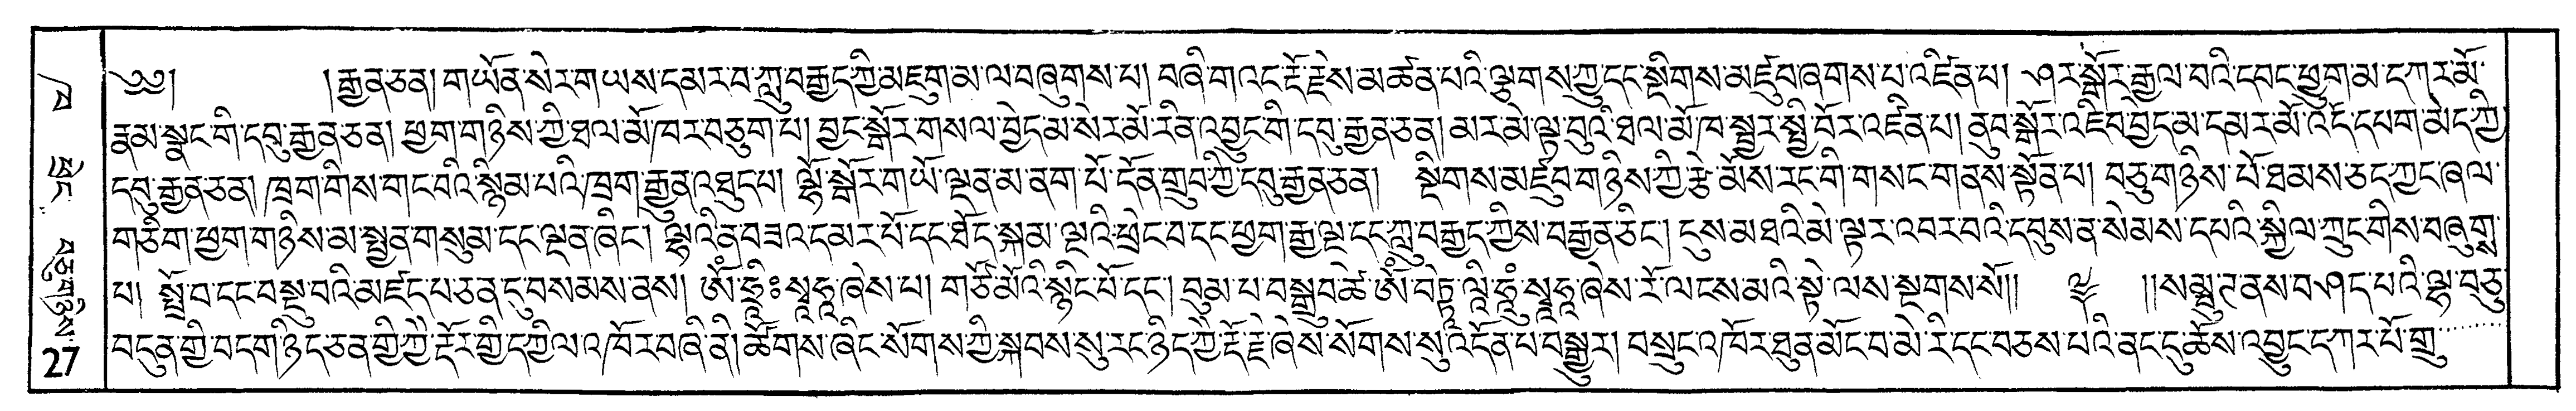༄༅། །རྒྱན་ཅན། གཡོན་སེར་གཡས་དམར་བ་ཀླུ་བརྒྱད་ཀྱི་མཇུག་མ་ལ་བཞུགས་པ། བཞི་གའང་རྡོ་རྗེས་མཚན་པའི་ལྕགས་ཀྱུ་དང་སྡིགས་མཛུབ་ཞགས་པ་འཛིན་པ། ཤར་སྒོར་རྒྱལ་བའི་དབང་ཕྱུག་མ་དཀར་མོ་
རྣམ་སྣང་གི་དབུ་རྒྱན་ཅན། ཕྱག་གཉིས་ཀྱི་ཐལ་མོ་ཁར་བཅུག་པ། བྱང་སྒོར་གསལ་བྱེད་མ་སེར་མོ་རིན་འབྱུང་གི་དབུ་རྒྱན་ཅན། མར་མེ་ལྟ་བུའི་ཐལ་མོ་ཁ་སྦྱར་སྤྱི་བོར་འཛིན་པ། ནུབ་སྒོར་འཇིབ་བྱེད་མ་དམར་མོ་འོད་དཔག་མེད་ཀྱི་
དབུ་རྒྱན་ཅན། ཁྲག་གིས་གང་བའི་སྙིམ་པའི་ཁྲག་རྒྱུན་འཐུད་པ། ལྷོ་སྒོར་གཡོ་ལྡན་མ་ནག་པོ་དོན་གྲུབ་ཀྱི་དབུ་རྒྱན་ཅན། སྡིགས་མཛུབ་གཉིས་ཀྱི་རྩེ་མོས་རང་གི་གསང་གནས་སྟོན་པ། བཅུ་གཉིས་པོ་ཐམས་ཅད་ཀྱང་ཞལ་
གཅིག་ཕྱག་གཉིས་མ་སྤྱན་གསུམ་དང་ལྡན་ཞིང་། ལྷའི་ན་བཟའ་དམར་པོ་དང་ཐོད་སྐམ་ལྔའི་ཕྲེང་བ་དང་ཕྱག་རྒྱ་ལྔ་དང་ཀླུ་བརྒྱད་ཀྱིས་བརྒྱན་ཅིང་། དུས་མཐའི་མེ་ལྟར་འབར་བའི་དབུས་ན་སེམས་དཔའི་སྐྱིལ་ཀྲུང་གིས་བཞུགས་
པ། སྤྲོ་བ་དང་བསྡུ་བའི་མཛད་པ་ཅན་དུ་བསམས་ནས། ཨོཾ་ཧྲཱིཿ སྭཱཧཱ་ཞེས་པ། གཙོ་མོའི་སྙིང་པོ་དང་། བུམ་པ་བསྒྲུབ་ཚེ་ཨོཾ་བེཏྟཱ་ལཱི་ཧཱུཾ་སྭཱཧཱ་ཞེས་རོ་ལངས་མའི་སྟེ་ལས་སྔགས་སོ།། ༈ །།སམྦུ་ཊ་ནས་བཤད་པའི་ལྷ་བཅུ་
བདུན་གྱི་བདག་ཉིད་ཅན་གྱི་ཀྱཻ་རྡོར་གྱི་དཀྱིལ་འཁོར་བཞི་ནི། ཚོགས་ཞིང་སོགས་ཀྱི་སྐབས་སུ་རང་ཉིད་ཀྱཻ་རྡོ་རྗེ་ཞེས་སོགས་སུ་འདོན་པ་བསྒྱུར། བསྲུང་འཁོར་ཐུན་མོང་བ་མེ་རི་དང་བཅས་པའི་ནང་དུ་ཆོས་འབྱུང་དཀར་པོ་གྲུ་